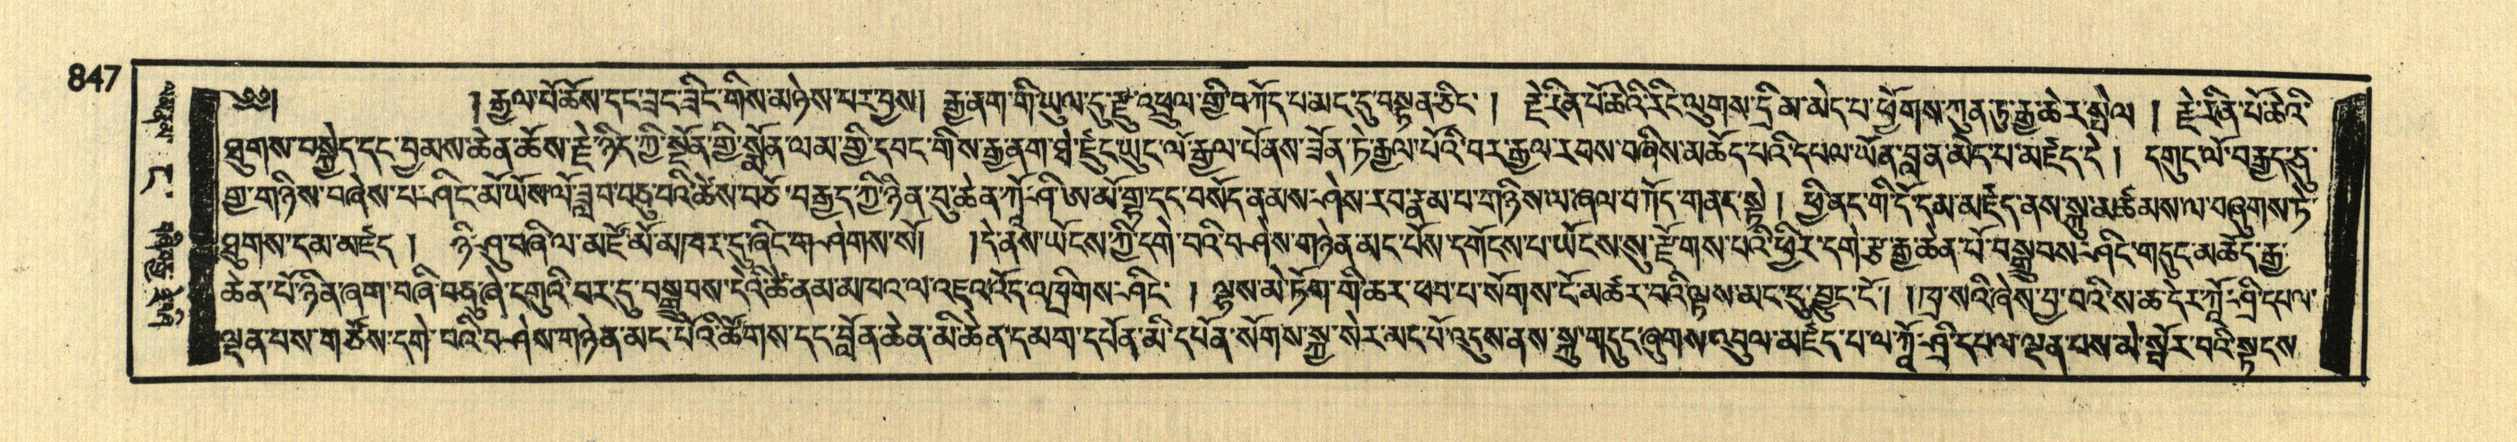༄༅། །རྒྱལ་པོ་ཆོས་དང་ཟང་ཟིང་གིས་མཉེས་པར་བྱས། རྒྱ་ནག་གི་ཡུལ་དུ་རྫུ་འཕྲུལ་གྱི་བཀོད་པ་མང་དུ་བསྟན་ཅིང་། རྗེ་རིན་པོ་ཆེའི་རིང་ལུགས་དྲི་མ་མེད་པ་ཕྱོགས་ཀུན་ཏུ་རྒྱ་ཆེར་སྤེལ། རྗེ་རིན་པོ་ཆེའི་
ཐུགས་བསྐྱེད་དང་བྱམས་ཆེན་ཆོས་རྗེ་ཉིད་ཀྱི་སྔོན་གྱི་སྨོན་ལམ་གྱི་དབང་གིས་རྒྱ་ནག་ཐེ་རྫུང་ཡུང་ལོ་རྒྱལ་པོ་ནས་ཟོན་ཏེ་རྒྱལ་པོའི་བར་རྒྱལ་རབས་བཞིས་མཆོད་པའི་དཔལ་ཡོན་བླ་ན་མེད་པ་མཛད་དེ། དགུང་ལོ་བརྒྱད་ཅུ་
གྱ་གཉིས་བཞེས་པ་ཤིང་མོ་ཡོས་ལོ་ཟླ་བ་བཅུ་པའི་ཚེས་བཅོ་བརྒྱད་ཀྱི་ཉིན་བུ་ཆེན་ཀO་ཤི་ཨ་མོ་གྷ་དང་བསོད་ནམས་ཤེས་རབ་རྣམ་པ་གཉིས་ལ་ཞལ་བཀོད་གནང་སྟེ། ཕྱི་ནང་གི་དོ་དམ་མཛད་ནས་སྐུ་མཚམས་ལ་བཞུགས་ཏེ།
ཐུགས་དམ་མཛད། ཉི་ཤུ་བཞི་ལ་མཛོ་མོ་མཁར་དུ་ཞིང་གཤེགས་སོ། །དེ་ནས་ཡོངས་ཀྱི་དགེ་བའི་བཤེས་གཉེན་མང་པོས་དགོངས་པ་ཡོངས་སུ་རྫོགས་པའི་ཕྱིར་དགེ་རྩ་རྒྱ་ཆེན་པོ་བསྒྲུབས་ཤིང་གདུང་མཆོད་རྒྱ་
ཆེན་པོ་ཉིན་ཞག་བཞི་བཅུ་ཞེ་དགུའི་བར་དུ་བསྒྲུབས་དེའི་ཚེ་ནམ་མཁའ་ལ་འཇའ་འོད་འཁྲིགས་ཤིང་། ལྷས་མེ་ཏོག་གི་ཆར་ཕབ་པ་སོགས་ངོ་མཚར་བའི་ལྟས་མང་དུ་བྱུང་ངོ། །ཁྲ་སའི་ཞེས་བྱ་བའི་ས་ཆ་དེར་ཀO་ཤྲི་དཔལ་
ལྡན་པས་གཙོས་དགེ་བའི་བཤེས་གཉེན་མང་པོའི་ཚོགས་དང་བློན་ཆེན་མི་ཆེན་དམག་དཔོན་མི་དཔོན་སོགས་སྐྱ་སེར་མང་པོ་འདུས་ནས་སྐུ་གདུང་ཞུགས་འབུལ་མཛད་པ་ལ་ཀO་ཤྲི་དཔལ་ལྡན་པས་མེ་སྦོར་བའི་སྟངས་